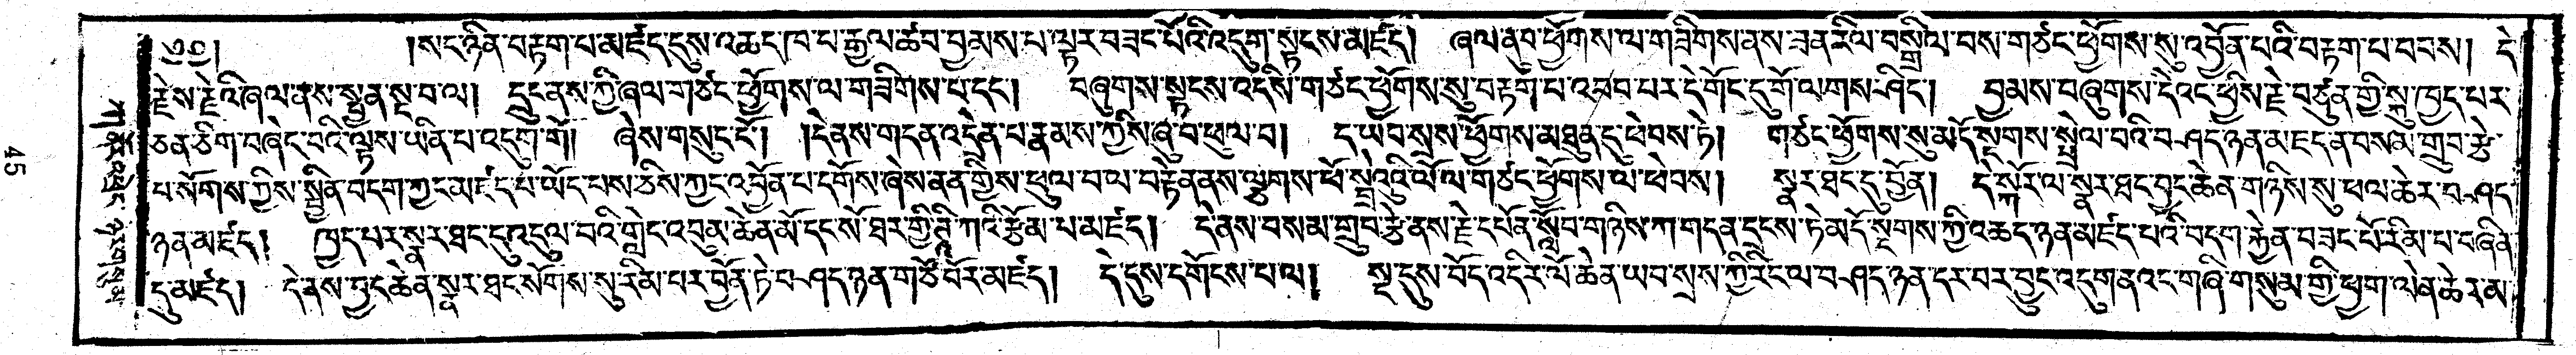༄༅། །སང་ཉིན་བརྟག་པ་མཛད་དུས་འཆད་ཁ་པ་རྒྱལ་ཚབ་བྱམས་པ་ལྟར་བཟང་པོའི་འདུག་སྟངས་མཛད། ཞལ་ནུབ་ཕྱོགས་ལ་གཟིགས་ནས་ཟན་རིལ་བསྒྲིལ་བས་གཙང་ཕྱོགས་སུ་འབྱོན་པའི་བརྟག་པ་བབས། དེ་
རྗེས་རྗེའི་ཞལ་ནས་སྤྱན་སྔ་བ་ལ། དྲུང་ནས་ཀྱི་ཞལ་གཙང་ཕྱོགས་ལ་གཟིགས་པ་དང་། བཞུགས་སྟངས་འདིས་གཙང་ཕྱོགས་སུ་བརྟག་པ་འབབ་པར་དེ་གོང་དུ་གོ་ལགས་ཤིང་། བྱམས་བཞུགས་དེའང་ཕྱིས་རྗེ་བཙུན་གྱི་སྐུ་ཁྱད་པར་
ཅན་ཅིག་བཞེད་པའི་ལྟས་ཡིན་པ་འདུག་གོ། ཞེས་གསུང་ངོ། །དེ་ནས་གདན་འདྲེན་པ་རྣམས་ཀྱིས་ཞུ་བ་ཕུལ་བ། ད་ཡབ་སྲས་ཕྱོགས་མཐུན་དུ་ཕེབས་ཏེ། གཙང་ཕྱོགས་སུ་མདོ་སྔགས་སྤྲེལ་བའི་བཤད་ཉན་མཇད་ན་བསམ་གྲུབ་རྩེ་
པ་སོགས་ཀྱིས་སྦྱིན་བདག་ཀྱང་མཛད་པ་ཡོད་པས་ཅིས་ཀྱང་འབྱོན་པ་དགོས་ཞེས་ནན་གྱིས་ཕུལ་བ་ལ་བརྟེན་ནས་ལྕགས་ཕོ་སྦྲེའུའི་ལོ་ལ་གཙང་ཕྱོགས་ལ་ཕེབས། སྣར་ཐང་དུ་བྱོན། དེ་སྐོར་ལ་སྣར་ཐང་བྱང་ཆེན་གཉིས་སུ་ཕལ་ཆེར་བཤད་
ཉན་མཛད། ཁྱད་པར་སྣར་ཐང་དུ་འདུལ་བའི་གླེང་འབུམ་ཆེན་མོ་དང་སོ་ཐར་གྱི་ཊཱི་ཀའི་རྩོམ་པ་མཛད། དེ་ནས་བསམ་གྲུབ་རྩེ་ནས་རྗེ་དཔོན་སློབ་གཉིས་ཀ་གདན་དྲངས་ཏེ་མདོ་སྔགས་ཀྱི་འཆད་ཉན་མཛད་པའི་བདག་རྐྱེན་བཟང་པོ་རིམ་པ་བཞིན་
དུ་མཛད། དེ་ནས་བྱང་ཆེན་སྣར་ཐང་སོགས་སུ་རིམ་པར་བྱོན་ཏེ་བཤད་ཉན་གཙོ་བོར་མཛད། དེ་དུས་དགོངས་པ་ལ། སྔ་དུས་བོད་འདིར་ལོ་ཆེན་ཡབ་སྲས་ཀྱི་རིང་ལ་བཤད་ཉན་དར་བར་བྱུང་འདུག་ནའང་གཞི་གསུམ་གྱི་ཕྱག་ལེན་ཆེར་མ་